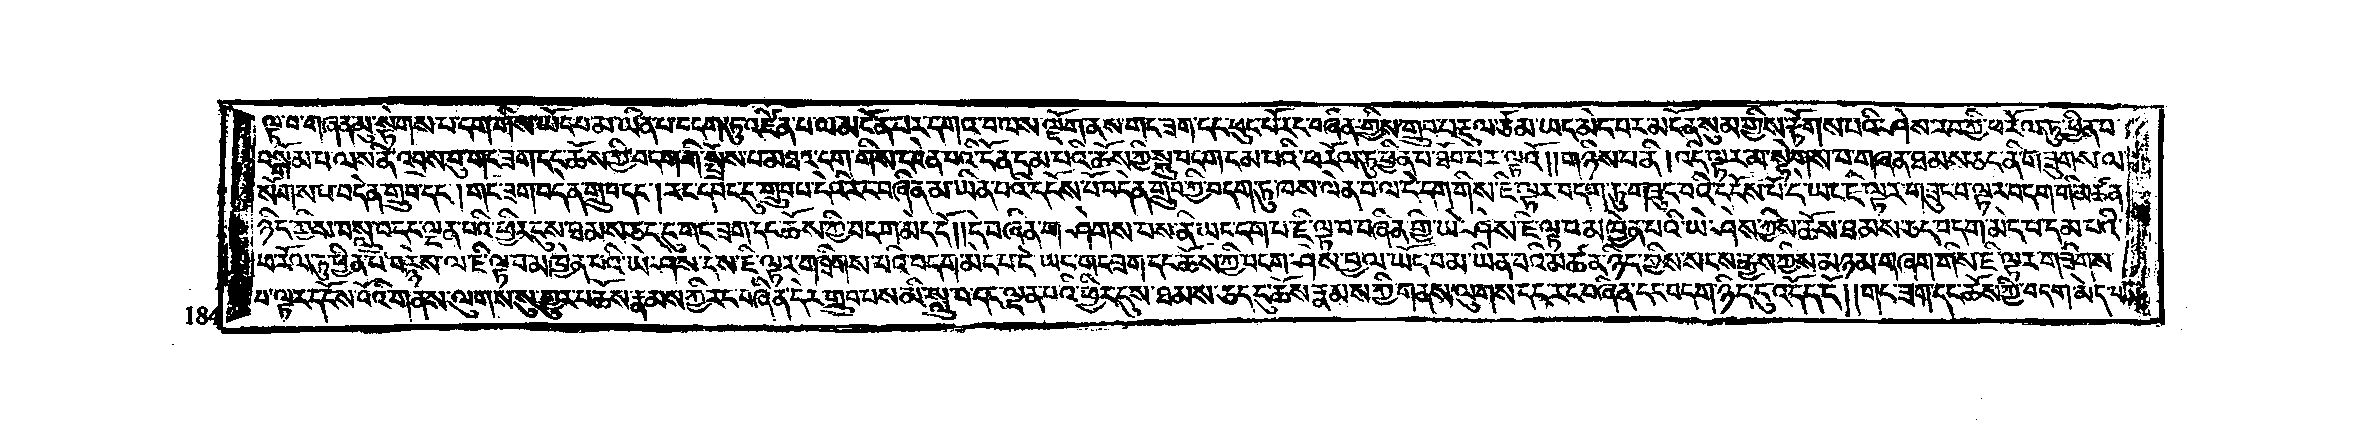ལྟ་བ་གཞན་མུ་སྟེགས་པ་དག་གིས་ཡོད་པ་མ་ཡིན་པ་བདག་ཏུ་འཛིན་པ་ལ་མངོན་པར་དགའ་བ་ལས་ལྡོག་ནས་གང་ཟག་དང་ཕུང་པོ་རང་བཞིན་གྱིས་གྲུབ་པ་རྡུལ་ཙམ་ཡང་མེད་པར་མངོན་སུམ་གྱིས་རྟོགས་པའི་ཤེས་རབ་ཀྱི་ཕ་རོལ་ཏུ་ཕྱིན་པ་
བསྒོམ་པ་ལས་ནི་འབྲས་བུ་གང་ཟག་དང་ཆོས་ཀྱི་བདག་གི་སྤྲོས་པ་མཐའ་དག་གིས་དབེན་པའི་དོན་དམ་པའི་ཆོས་ཀྱི་སྐུ་བདག་དམ་པའི་ཕ་རོལ་ཏུ་ཕྱིན་པ་ཐོབ་པར་ལྟའོ། །གཉིས་པ་ནི། འདི་ལྟར་མ་སྟེགས་པ་གཞན་ཐམས་ཅད་ནི་གཟུགས་ལ་
སོགས་པ་བདེན་གྲུབ་དང་། གང་ཟག་བདེན་གྲུབ་དང་། རང་དབང་དུ་གྲུབ་པ་དེའི་རང་བཞིན་མ་ཡིན་པའི་དངོས་པོ་བདེན་གྲུབ་ཀྱི་བདག་ཏུ་ཁས་ལེན་པ་ལ་དེ་དག་གིས་ཇི་ལྟར་བདག་ཏུ་གཟུང་བའི་དངོས་པོ་དེ་ཡང་ཇི་ལྟར་གཟུང་བ་ལྟར་བདག་གི་མཚན་
ཉིད་ཀྱིས་བསླུ་བ་དང་ལྡན་པའི་ཕྱིར་དུས་ཐམས་ཅད་དུ་གང་ཟག་དང་ཆོས་ཀྱི་བདག་མེད་དོ། །དེ་བཞིན་གཤེགས་པས་ནི་ཡང་དག་པ་ཇི་ལྟ་བ་བཞིན་གྱི་ཡེ་ཤེས་ཇི་ལྟ་བ་མཁྱེན་པའི་ཡེ་ཤེས་ཀྱིས་ཆོས་ཐམས་ཅད་བདག་མེད་པ་དམ་པའི་
ཕ་རོལ་ཏུ་ཕྱིན་པ་བརྙེས་ལ་ཇི་ལྟ་བ་མཁྱེན་པའི་ཡེ་ཤེས་དེས་ཇི་ལྟར་གཟིགས་པའི་བདག་མེད་པ་དེ་ཡང་གང་ཟག་དང་ཆོས་ཀྱི་བདག་ཤེས་བྱ་ལ་ཡོད་པ་མ་ཡིན་པའི་མཚན་ཉིད་ཀྱིས་སངས་རྒྱས་ཀྱིས་མཉམ་གཞག་གིས་ཇི་ལྟར་གཟིགས་
པ་ལྟར་དངོས་པོའི་གནས་ལུགས་སུ་གྱུར་པ་ཆོས་རྣམས་ཀྱི་རང་བཞིན་དེར་གྲུབ་པས་མི་སླུ་བ་དང་ལྡན་པའི་ཕྱིར་དུས་ཐམས་ཅད་དུ་ཆོས་རྣམས་ཀྱི་གནས་ལུགས་དང་རང་བཞིན་དང་བདག་ཉིད་དུ་འདོད་དོ། །གང་ཟག་དང་ཆོས་ཀྱི་བདག་མེད་པ་